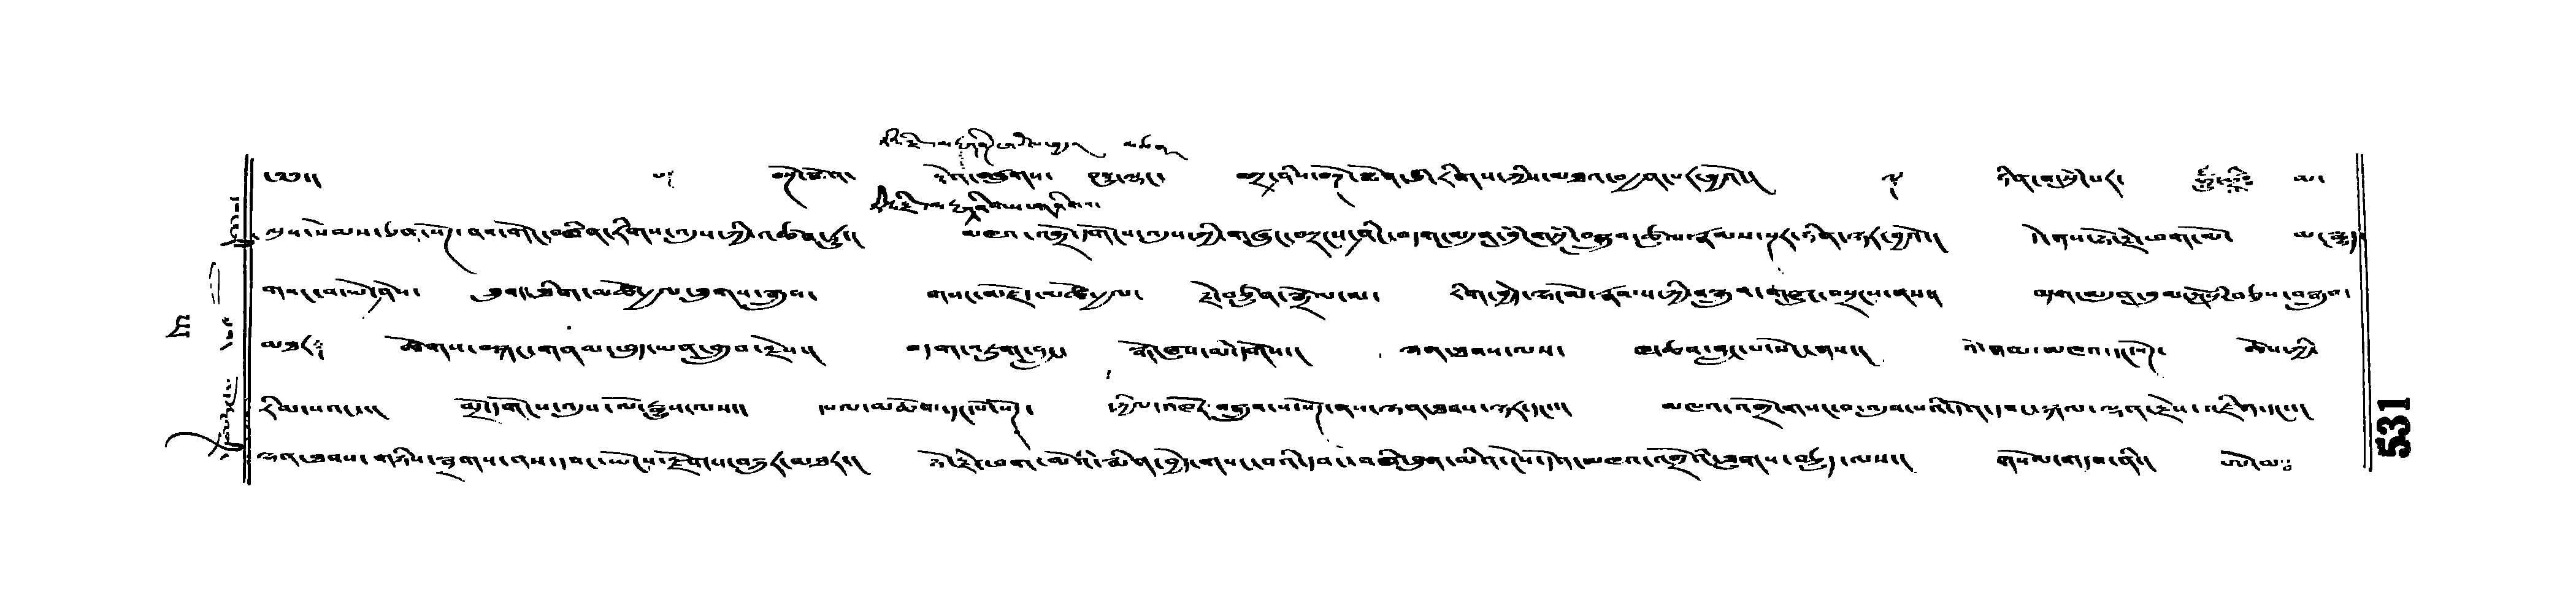པ། བསྔོ་སྨོན། རྟེན་བཞུགས། བསྡུ་ལྡང་། བཀྲ་ཤིས་བསྔོ་སྨོན་ཅི་རིགས་ཀྱིས་མཐའ་བརྒྱན་པར་བྱའོ། ༈ ཉིན་གསུམ་པར། ཧཱུྃ་ཧྲཱིཿ མ་
ལུས་སེམས་ཅན་སོགས་ནས་གོང་བཞིན་རིགས་འདུས་ཀྱི་ཚབ་ཏུ།མཁའ་འགྲོ་དགོངས་འདུས་ཀྱི་གཞུང་བསྲངས་ཤིང་བདག་མདུན་བུམ་གསུམ་བསྒྲུབ་ཚུལ་རྣམས་སྔར་ཉིན་ལྟར་བྱའོ། དེ་ནས་རྡོ་རྗེ་ཕག་མོ། མ་སྒྱུད་
གསང་བ་ཡེ་ཤེས། ཐུགས་ཐིག་མཚོ་རྒྱལ་ཐུགས་སྒྲུབ། གསང་མཛོད་མཚོ་རྒྱལ། རྗེ་བཙུན་སྒྲོལ་མ། རིག་བྱེད་ལྷ་མོ་རྣམས་ཀྱི་བསྒྲུབ་གཞུང་བསྲངས་ནས། བདག་མདུན་བུམ་གསུམ་བཅས་བསྒྲུབས་
མཐར། ཚོགས་བསྐང་གནམ་ཕུད་ཡན་གྲུབ་རྗེས། བདག་འཇུག་བླང་། སྒོ་ཞུས་མི་དགོས། ལྷན་ཐབས་ལས། ཁ་ཆབ་བླངས་པ་སོང་ནས། འོ། ནམ་མཁའ་དང་སོགས། ཆོས་ཀྱི་
རིམ་པའང་། མཁའ་འགྲོ་དགོངས་འདུས་ལོ་རྒྱུས་ལས། དཔལ་མཆོག་དང་པོ་སོགས། དཀྱིལ་འཁོར་བསྒྲུབ་པ་སོགས་ནས་ལྷན་ཐབས་ལྟར་དང་། མཁའ་འགྲོ་གསང་བ་འདུས་པའི་དོན་དབང་སྐལ་ལྡན་རྗེས་འཛིན་དང་། 
ལྷན་ཐབས་གཉིས་སྦྲགས་ནས་དབང་ཡོངས་རྫོགས་བསྐུར་མཐར། རྡོ་རྗེ་ཕག་མོའི་སྨིན་བྱེད་གསང་བའི་དབང་བཞི་ཐུན་མིན་ངེས་དོན་མཁའ་འགྲོའི་ཐུགས་བཅུད་ལས། གསོལ་གདབ་ནི། ཨེ་མ༔